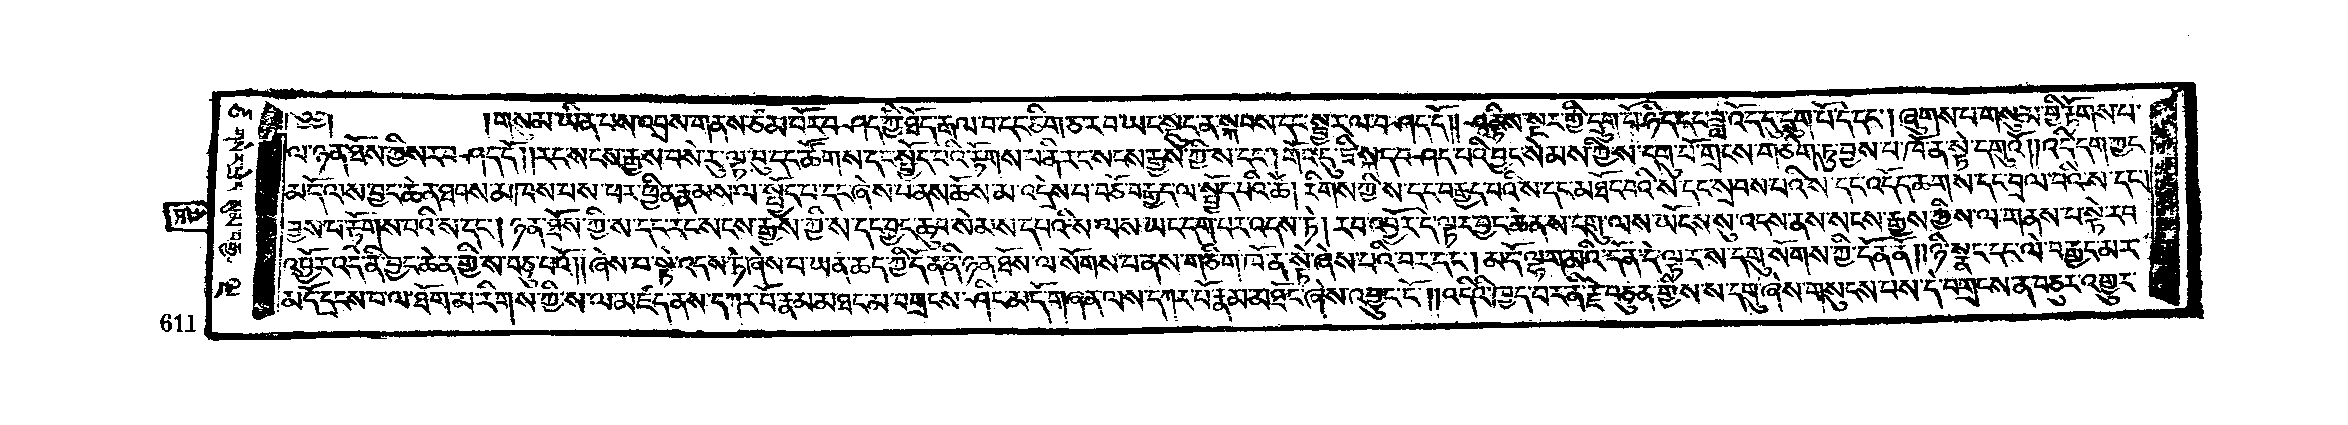༄༅། །གསུམ་ཡིན་པས་འབྲས་གནས་ཙམ་པོར་བཤད་ཀྱི་ཐོད་རྒལ་བ་དང་ཅིག་ཅར་བ་ཡང་སྡུད་ན་སྐབས་དང་སྦྱར་ལ་བཤད་དོ། །ཤཱནྟིས་སྔར་གྱི་དྲུག་པོ་ཉིད་དང་ཟླ་འོད་དུ་དྲུག་པོ་དེ་དང་། ཞུགས་པ་གསུམ་གྱི་རྟོགས་པ་
ལ་ཉན་ཐོས་ཀྱི་སར་བཤད་དོ། །རང་སངས་རྒྱས་བསེ་རུ་ལྟ་བུ་དང་ཚོགས་དང་སྤྱོད་པའི་རྟོགས་པ་ནི་རང་སངས་རྒྱས་ཀྱི་ས་དང་། གོང་དུ་ཇི་སྐད་བཤད་པའི་བྱང་སེམས་ཀྱི་ས་དགུ་པོ་གྲངས་གཅིག་ཏུ་བྱས་པ་ཁོ་ན་སྟེ་དགུའོ། །འདི་དག་ཀྱང་
མདོ་ལས་བྱང་ཆེན་ཐབས་མཁས་པས་ཕར་ཕྱིན་རྣམས་ལ་སྤྱོད་པ་དང་ཞེས་པ་ནས་ཆོས་མ་འདྲེས་པ་བཅོ་བརྒྱད་ལ་སྤྱོད་པའི་ཚེ། རིགས་ཀྱི་ས་དང་བརྒྱད་པའི་ས་དང་མཐོང་བའི་ས་དང་སྲབས་པའི་ས་དང་འདོད་ཆགས་དང་བྲལ་བའི་ས་དང་།
བྱས་པ་རྟོགས་པའི་ས་དང་། ཉན་ཐོས་ཀྱི་ས་དང་རང་སངས་རྒྱས་ཀྱི་ས་དང་བྱང་ཆུབ་སེམས་དཔའི་ས་ལས་ཡང་དག་པར་འདས་ཏེ། རབ་འབྱོར་དེ་ལྟར་བྱང་ཆེན་ས་དགུ་ལས་ཡོངས་སུ་འདས་ནས་སངས་རྒྱས་ཀྱི་ས་ལ་གནས་པ་སྟེ་རབ་
འབྱོར་འདི་ནི་བྱང་ཆེན་གྱི་ས་བཅུ་པའོ། །ཞེས་པ་སྟེ་འདས་ཏེ་ཞེས་པ་ཡན་ཆད་ཀྱི་དོན་ནི་ཉན་ཐོས་ལ་སོགས་པ་ནས་གཅིག་ཁོ་ན་སྟེ་ཞེས་པའི་བར་དང་། མདོ་ལྷག་མའི་དོན་དེ་ལྟར་ས་དགུ་སོགས་ཀྱི་དོན་ནོ། །ཉི་སྣང་དང་ལེ་བརྒྱད་མར་
མདོ་དྲངས་པ་ལ་ཐོག་མ་རིགས་ཀྱི་ས་ལ་མཛད་ནས་དཀར་པོ་རྣམ་མཐོང་མ་བགྲངས་ཤིང་མདོ་གཞན་ལས་དཀར་པོ་རྣམ་མཐོང་ཞེས་འབྱུང་ངོ། །འདིའི་ཁྱད་པར་ནི་རྗེ་བཙུན་གྱིས་ས་དགུ་ཞེས་གསུངས་པས་དེ་བགྲངས་ན་བཅུར་འགྱུར་